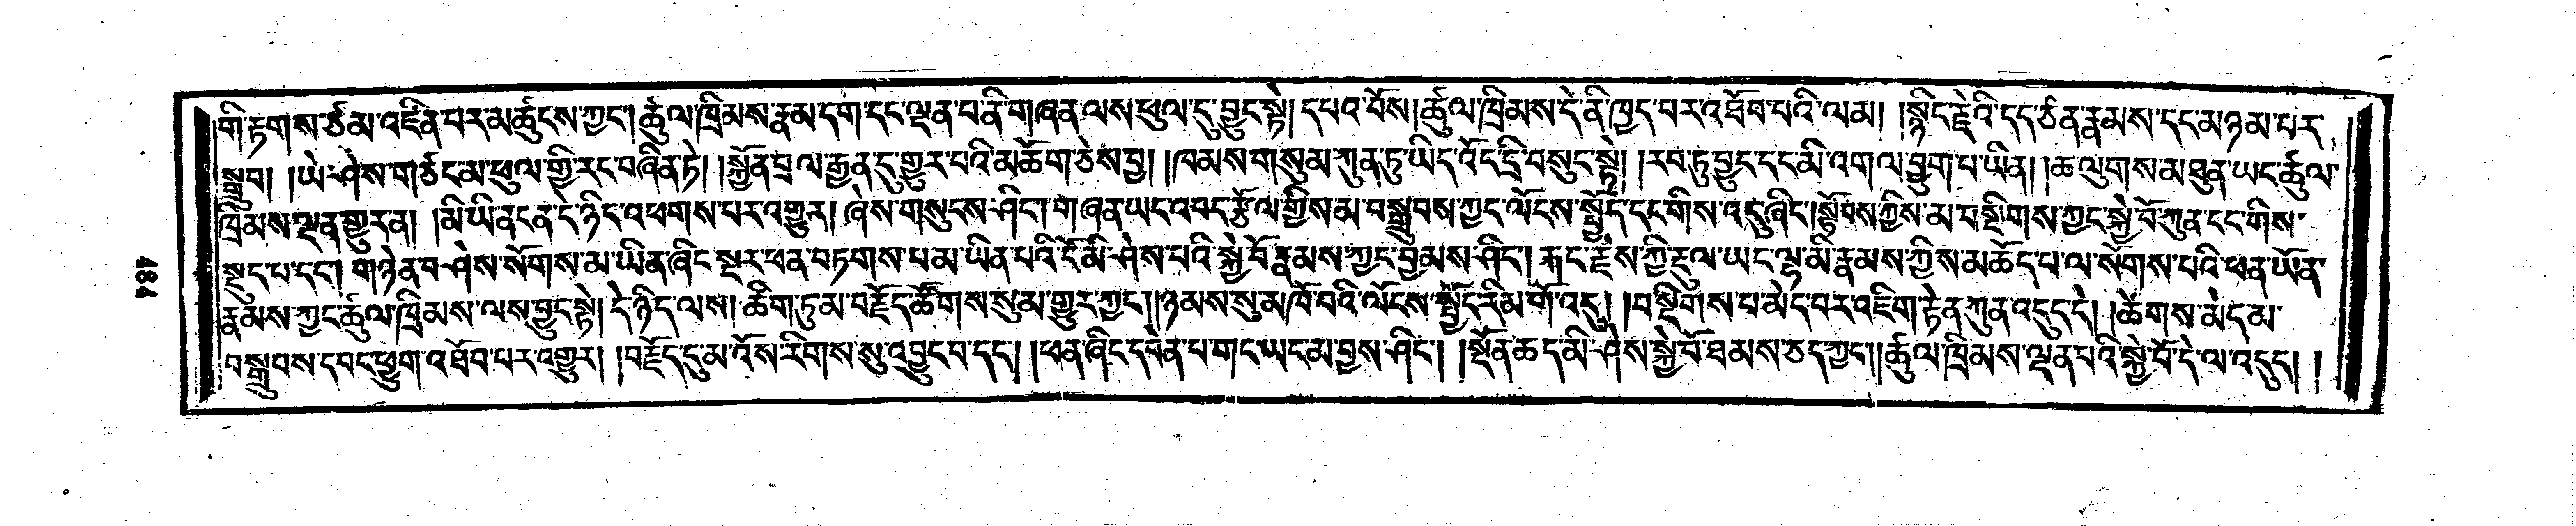གི་རྟགས་ཙམ་འཛིན་པར་མཚུངས་ཀྱང་། ཚུལ་ཁྲིམས་རྣམ་དག་དང་ལྡན་པ་ནི་གཞན་ལས་ཕུལ་དུ་བྱུང་སྟེ། དཔའ་བོས། ཚུལ་ཁྲིམས་དེ་ནི་ཁྱད་པར་འཐོབ་པའི་ལམ། །སྙིང་རྗེའི་དད་ཅན་རྣམས་དང་མཉམ་པར་
སྒྲུབ། །ཡེ་ཤེས་གཙང་མ་ཕུལ་གྱི་རང་བཞིན་ཏེ། །སྐྱོན་བྲལ་རྒྱན་དུ་གྱུར་པའི་མཆོག་ཅེས་བྱ། །ཁམས་གསུམ་ཀུན་ཏུ་ཡིད་འོང་དྲི་བསུང་སྟེ། །རབ་ཏུ་བྱུང་དང་མི་འགལ་བྱུག་པ་ཡིན། །ཆ་ལུགས་མཐུན་ཡང་ཚུལ་
ཁྲིམས་ལྡན་གྱུར་ན། །མི་ཡི་ནང་ན་དེ་ཉིད་འཕགས་པར་འགྱུར། ཞེས་གསུངས་ཤིང་། གཞན་ཡང་འབད་རྩོལ་གྱིས་མ་བསྒྲུབས་ཀྱང་ལོངས་སྤྱོད་ངང་གིས་འདུ་ཞིང་། སྟོབས་ཀྱིས་མ་བསྡིགས་ཀྱང་སྐྱེ་བོ་ཀུན་ངང་གིས་
སྡུད་པ་དང་། གཉེན་བཤེས་སོགས་མ་ཡིན་ཞིང་སྔར་ཕན་བཏགས་པ་མ་ཡིན་པའི་ངོ་མ་ཤེས་པའི་སྐྱེ་བོ་རྣམས་ཀྱང་བྱམས་ཤིང་། རྐང་རྗེས་ཀྱི་རྡུལ་ཡང་ལྷ་མི་རྣམས་ཀྱིས་མཆོད་པ་ལ་སོགས་པའི་ཕན་ཡོན་
རྣམས་ཀྱང་ཚུལ་ཁྲིམས་ལས་བྱུང་སྟེ། དེ་ཉིད་ལས། ཚིག་ཏུ་མ་བརྗོད་ཚོགས་སུ་མ་གྱུར་ཀྱང་། །ཉམས་སུ་མཁོ་བའི་ལོངས་སྤྱོད་རིམ་གྲོ་འདུ། །བསྡིགས་པ་མེད་པར་འཇིག་རྟེན་ཀུན་འདུད་དེ། །ཚེགས་མེད་མ་
བསྒྲུབས་དབང་ཕྱུག་འཐོབ་པར་འགྱུར། །བརྗོད་དུ་མ་འོས་རིགས་སུ་འབྱུང་བ་དང་། །ཕན་ཞིང་དབེན་པ་གང་ཡང་མ་བྱས་ཤིང་། །སྔོན་ཆད་མི་ཤེས་སྐྱེ་བོ་ཐམས་ཅད་ཀྱང་། །ཚུལ་ཁྲིམས་ལྡན་པའི་སྐྱེ་བོ་དེ་ལ་འདུད། །